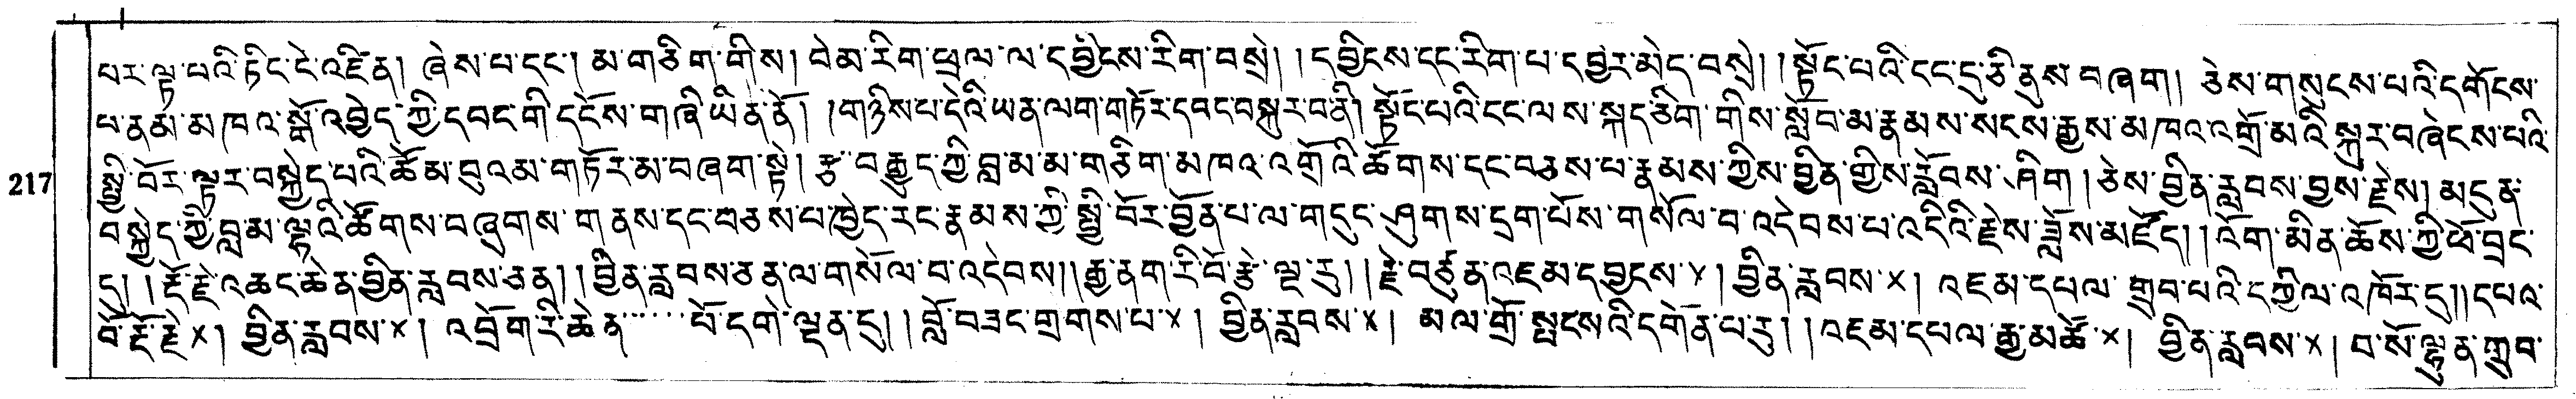པར་ལྟ་བའི་ཏིང་ངེ་འཛིན། ཞེས་པ་དང་། མ་གཅིག་གིས། བེམ་རིག་ཕྲལ་ལ་དབྱིངས་རིག་པ་བསྲེ། །དབྱིངས་དང་རིག་པ་དབྱེར་མེད་བསྲེ། །སྟོང་པའི་ངང་དུ་ཅི་ནུས་བཞག །ཅེས་གསུངས་པའི་དགོངས་
པ་ནམ་མཁའ་སྒོ་འབྱེད་ཀྱི་དབང་གི་དངོས་གཞི་ཡིན་ནོ། །གཉིས་པ་དེའི་ཡན་ལག་གཏོར་དབང་བསྐུར་བ་ནི། སྟོང་པའི་ངང་ལས་སྐད་ཅིག་གིས་སློབ་མ་རྣམས་སངས་རྒྱས་མཁའ་འགྲོ་མའི་སྐུར་བཞེངས་པའི་
སྤྱི་བོར་ལྟར་བསྐྱེད་པའི་ཚོམ་བུའམ་གཏོར་མ་བཞག་སྟེ། རྩ་བརྒྱུད་ཀྱི་བླ་མ་མ་གཅིག་མཁའ་འགྲོའི་ཚོགས་དང་བཅས་པ་རྣམས་ཀྱིས་བྱིན་གྱིས་རློབས་ཤིག །ཅེས་བྱིན་རླབས་བྱས་རྗེས། མདུན་
བསྐྱེད་ཀྱི་བླ་མ་ལྷའི་ཚོགས་བཞུགས་གནས་དང་བཅས་པ་ཁྱེད་རང་རྣམས་ཀྱི་སྤྱི་བོར་བྱོན་པ་ལ་གདུང་ཤུགས་དྲག་པོས་གསོལ་བ་འདེབས་པ་འདིའི་རྗེས་ཟློས་མཛོད། །འོག་མིན་ཆོས་ཀྱི་ཕོ་བྲང་
དུ། །རྡོ་རྗེ་འཆང་ཆེན་བྱིན་རླབས་ཅན། །བྱིན་རླབས་ཅན་ལ་གསོལ་བ་འདེབས། །རྒྱ་ནག་རི་བོ་རྩེ་ལྔ་རུ། །རྗེ་བཙུན་འཇམ་དབྱངས་྾། བྱིན་རླབས་྾། འཇམ་དཔལ་གྲུབ་པའི་དཀྱིལ་འཁོར་དུ། །དཔའ་
བོ་རྡོ་རྗེ་྾། བྱིན་རླབས་྾། འབྲོག་རི་ཆེན་པོ་དགེ་ལྡན་དུ། །བློ་བཟང་གྲགས་པ་྾། བྱིན་རླབས་྾། མལ་གྲོ་སྤང་སའི་དཀོན་པ་རུ། །འཇམ་དཔལ་རྒྱ་མཚོ་྾། བྱིན་རླབས་྾། བ་སོ་ལྷུན་གྲུབ་